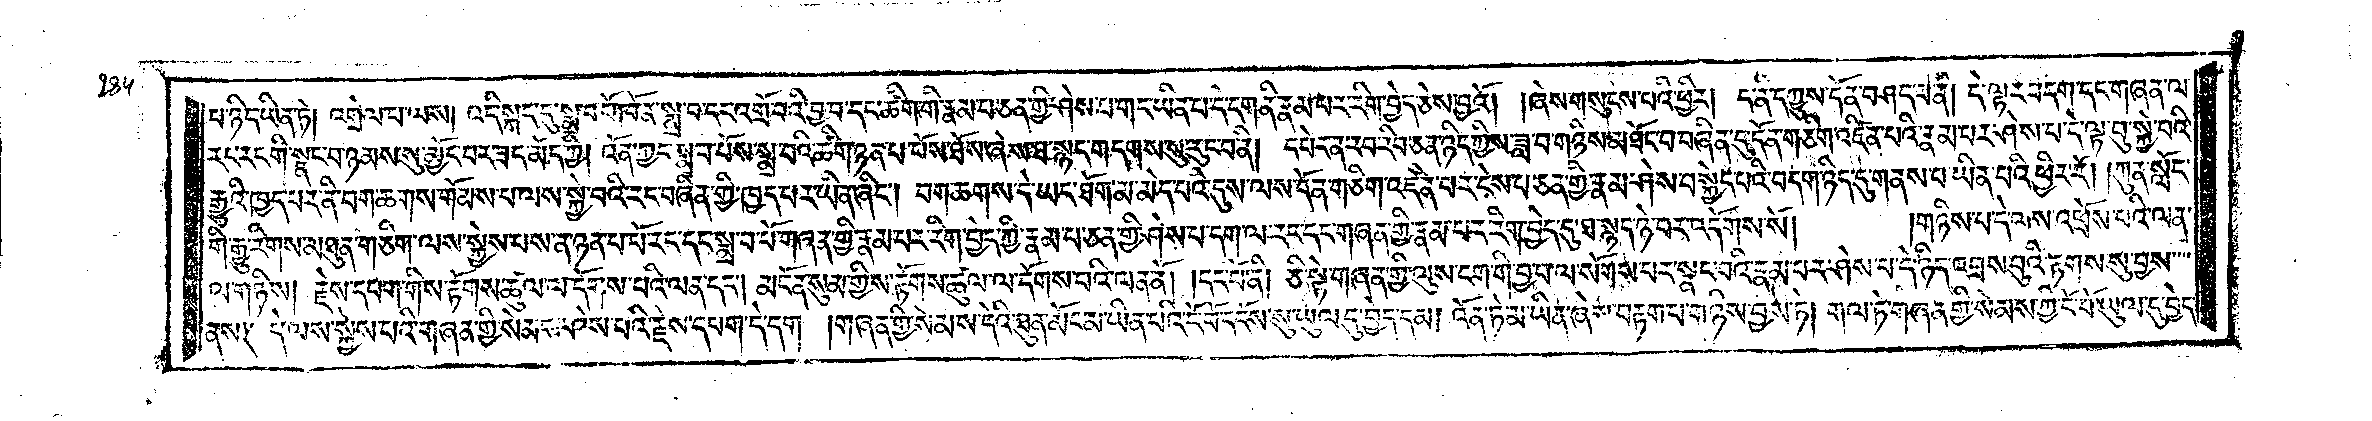པ་ཉིད་ཡིན་ཏེ། འགྲེལ་པ་ལས། འདི་སྐད་དུ་སྨྲ་བ་པོ་ཁོ་ན་སྨྲ་བ་དང་འགྲོ་བའི་བྱ་བ་དང་ཚིག་གི་རྣམ་པ་ཅན་གྱི་ཤེས་པ་གང་ཡིན་པ་དེ་དག་ནི་རྣམ་པར་རིག་བྱེད་ཅེས་བྱའོ། །ཞེས་གསུངས་པའི་ཕྱིར། ད་ནི་དཀྱུས་དོན་བཤད་པ་ནི། དེ་ལྟར་བདག་དང་གཞན་ལ་
རང་རང་གི་སྣང་བ་ཉམས་སུ་མྱོང་བར་ཟད་མོད་ཀྱི། འོན་ཀྱང་སྨྲ་བ་པོས་སྨྲ་བའི་ཚིག་ཉན་པ་བོས་ཐོས་ཞེས་ཐ་སྙད་གདགས་སུ་རུང་བ་ནི། དཔེར་ན་རབ་རིབ་ཅན་ཉིད་ཀྱིས་ཟླ་བ་གཉིས་མཐོང་བ་བཞིན་དུ་དོན་གཅིག་འཛིན་པའི་རྣམ་པར་ཤེས་པ་དེ་ལྟ་བུ་སྐྱེ་བའི་
རྒྱུའི་ཁྱད་པར་ནི་བག་ཆགས་གོམས་པ་ལས་སྐྱེ་བའི་རང་བཞིན་གྱི་ཁྱད་པར་ཡིན་ཞིང་། བག་ཆགས་དེ་ཡང་ཐོག་མ་མེད་པའི་དུས་ལས་དོན་གཅིག་འཛིན་པར་ངེས་པ་ཅན་གྱི་རྣམ་ཤེས་བསྐྱེད་པའི་བདག་ཉིད་དུ་གནས་པ་ཡིན་པའི་ཕྱིར་རོ། །ཀུན་སློང་
གི་རྒྱུ་རིགས་མཐུན་གཅིག་ལས་སྐྱེས་པས་ན་ཉན་པ་པོ་རང་དང་སྨྲ་བ་པོ་གཞན་གྱི་རྣམ་པར་རིག་བྱེད་ཀྱི་རྣམ་པ་ཅན་གྱི་ཤེས་པ་དག་ལ་རང་དང་གཞན་གྱི་རྣམ་པར་རིག་བྱེད་དུ་ཐ་སྙད་ཉེ་བར་འདོགས་སོ། །གཉིས་པ་དེ་ལས་འཕྲོས་པའི་ལན་
ལ་གཉིས། རྗེས་དཔག་གིས་རྟོགས་ཚུལ་ལ་དོགས་པའི་ལན་དང་། མངོན་སུམ་གྱིས་རྟོགས་ཚུལ་ལ་དོགས་པའི་ལན་ནོ། །དང་པོ་ནི། ཅི་སྟེ་གཞན་གྱི་ལུས་ངག་གི་བྱ་བ་ལ་སོགས་པར་སྣང་བའི་རྣམ་པར་ཤེས་པ་དེ་ཉིད་འབྲས་བུའི་རྟགས་སུ་བྱས་
ནས༑ དེ་ལས་སྐྱེས་པའི་གཞན་གྱི་སེམས་ཤེས་པའི་རྗེས་དཔག་དེ་དག །གཞན་གྱི་སེམས་དེའི་ཐུན་མོང་མ་ཡིན་པའི་ངོ་བོ་དངོས་སུ་ཡུལ་དུ་བྱེད་དམ། འོན་ཏེ་མ་ཡིན་ཞེས་བརྟག་པ་གཉིས་བྱས་ཏེ། གལ་ཏེ་གཞན་གྱི་སེམས་ཀྱི་ངོ་བོ་ཡུལ་དུ་བྱེད་